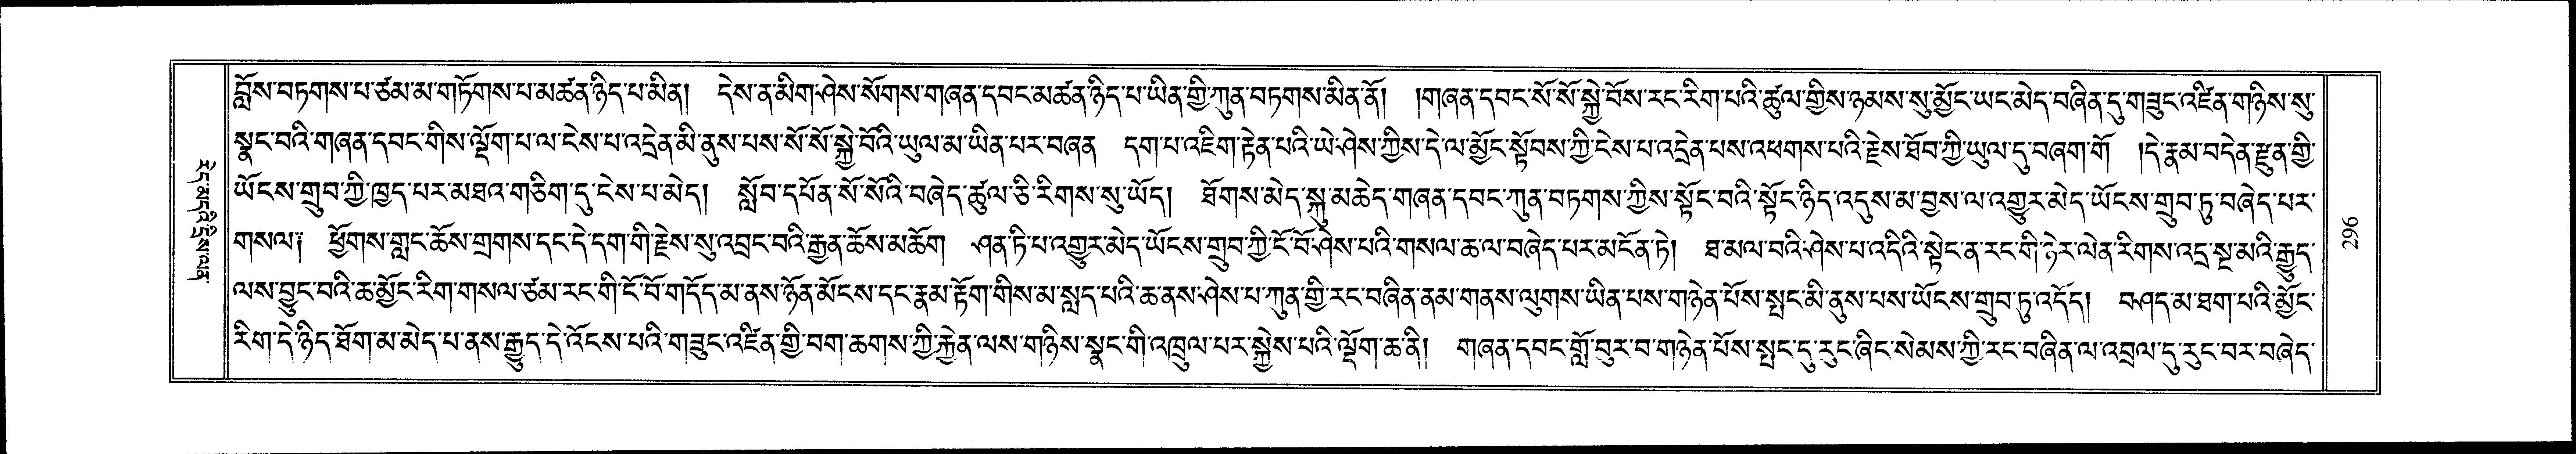བློས་བཏགས་པ་ཙམ་མ་གཏོགས་པ་མཚན་ཉིད་པ་མིན། དེས་ན་མིག་ཤེས་སོགས་གཞན་དབང་མཚན་ཉིད་པ་ཡིན་གྱི་ཀུན་བཏགས་མིན་ནོ། །གཞན་དབང་སོ་སོ་སྐྱེ་བོས་རང་རིག་པའི་ཚུལ་གྱིས་ཉམས་སུ་མྱོང་ཡང་མེད་བཞིན་དུ་གཟུང་འཛིན་གཉིས་སུ་
སྣང་བའི་གཞན་དབང་གིས་ལྡོག་པ་ལ་ངེས་པ་འདྲེན་མི་ནུས་པས་སོ་སོ་སྐྱེ་བོའི་ཡུལ་མ་ཡིན་པར་བཞན། དག་པ་འཇིག་རྟེན་པའི་ཡེ་ཤེས་ཀྱིས་དེ་ལ་མྱོང་སྟོབས་ཀྱི་ངེས་པ་འདྲེན་པས་འཕགས་པའི་རྗེས་ཐོབ་ཀྱི་ཡུལ་དུ་བཞག་གོ །དེ་རྣམ་བདེན་རྫུན་གྱི་
ཡོངས་གྲུབ་ཀྱི་ཁྱད་པར་མཐའ་གཅིག་དུ་ངེས་པ་མེད། སློབ་དཔོན་སོ་སོའི་བཞེད་ཚུལ་ཅི་རིགས་སུ་ཡོད། ཐོགས་མེད་སྐུ་མཆེད་གཞན་དབང་ཀུན་བཏགས་ཀྱིས་སྟོང་བའི་སྟོང་ཉིད་འདུས་མ་བྱས་ལ་འགྱུར་མེད་ཡོངས་གྲུབ་ཏུ་བཞེད་པར་
གསལ། ཕྱོགས་གླང་ཆོས་གྲགས་དང་དེ་དག་གི་རྗེས་སུ་འབྲང་བའི་རྒྱན་ཆོས་མཆོག །ཤན་ཏི་པ་འགྱུར་མེད་ཡོངས་གྲུབ་ཀྱི་ངོ་བོ་ཤེས་པའི་གསལ་ཆ་ལ་བཞེད་པར་མངོན་ཏེ། ཐ་མལ་བའི་ཤེས་པ་འདིའི་སྟེང་ན་རང་གི་ཉེར་ལེན་རིགས་འདྲ་སྔ་མའི་རྒྱུད་
ལས་བྱུང་བའི་ཆ་མྱོང་རིག་གསལ་ཙམ་རང་གི་ངོ་བོ་གདོད་མ་ནས་ཉོན་མོངས་དང་རྣམ་རྟོག་གིས་མ་སླད་པའི་ཆ་ནས་ཤེས་པ་ཀུན་གྱི་རང་བཞིན་ནམ་གནས་ལུགས་ཡིན་པས་གཉེན་པོས་སྤང་མི་ནུས་པས་ཡོངས་གྲུབ་ཏུ་འདོད། བཤད་མ་ཐག་པའི་མྱོང་
རིག་དེ་ཉིད་ཐོག་མ་མེད་པ་ནས་རྒྱུད་དེ་འོངས་པའི་གཟུང་འཛིན་གྱི་བག་ཆགས་ཀྱི་རྐྱེན་ལས་གཉིས་སྣང་གི་འཁྲུལ་པར་སྐྱེས་པའི་ལྡོག་ཆ་ནི། གཞན་དབང་གློ་བུར་བ་གཉེན་པོས་སྤང་དུ་རུང་ཞིང་སེམས་ཀྱི་རང་བཞིན་ལ་འབྲལ་དུ་རུང་བར་བཞེད་